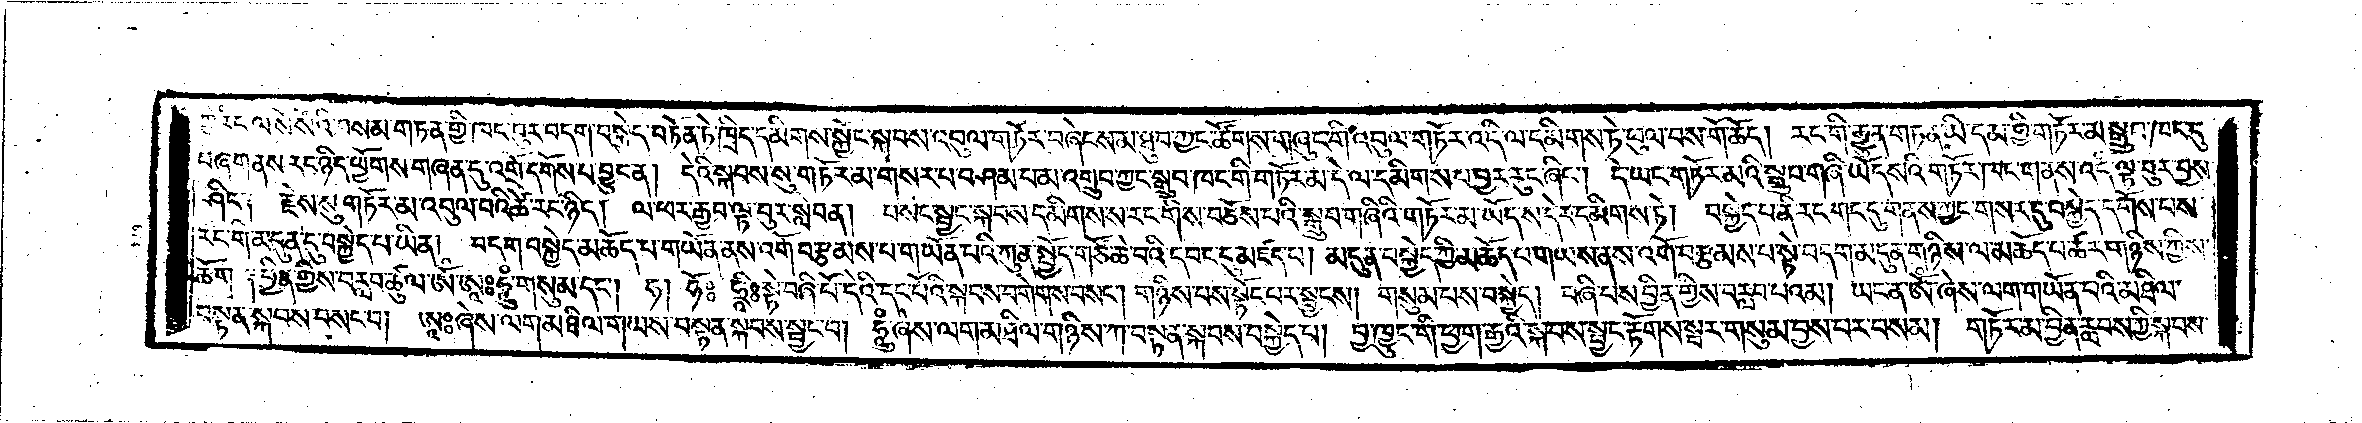ཀྱི་རིང་ལ་སོ་སོའི་བསམ་གཏན་གྱི་ཁང་བུར་བདག་བསྐྱེད་བཏོན་ཏེ་ཁྲིད་དམིགས་སྐྱོང་སྐབས་འབུལ་གཏོར་བཞེངས་མ་ཐུབ་ཀྱང་ཚོགས་གཞུང་གི་འབུལ་གཏོར་འདི་ལ་དམིགས་ཏེ་ཕུལ་བས་གོ་ཆོད། རང་གི་རྒྱུན་གཏན་ཡི་དམ་གྱི་གཏོར་མ་སྒྲུབ་ཁང་དུ་
བཞག་ནས་རང་ཉིད་ཕྱོགས་གཞན་དུ་འགྲོ་དགོས་པ་བྱུང་ན། དེའི་སྐབས་སུ་གཏོར་མ་གསར་པ་བཤམ་པ་མ་འགྲུབ་ཀྱང་སྒྲུབ་ཁང་གི་གཏོར་མ་དེ་ལ་དམིགས་པ་བྱར་རུང་ཞིང་། དེ་ཡང་གཏོར་མའི་སྒྲུབ་གཞི་ཡོད་སའི་གཏོར་ཁང་གནས་འདི་ལྟ་བུར་བྱས་
ཤིང༑ རྗེས་སུ་གཏོར་མ་འབུལ་བའི་ཚེ་རང་ཉིད། ལ་ཕར་རྒྱབ་ལྟ་བུར་སླེབ་ན། བསང་སྦྱང་སྐབས་དམིགས་ས་རང་གིས་བཅོས་པའི་སྒྲུབ་གཞིའི་གཏོར་མ་ཡོད་ས་དེར་དམིགས་ཏེ། བསྐྱེད་པ་ནི་རང་གང་དུ་གནས་ཀྱང་གསར་དུ་བསྐྱེད་དགོས་པས་
རང་གི་མདུན་དུ་བསྐྱེད་པ་ཡིན། བདག་བསྐྱེད་མཆོད་པ་གཡོན་ནས་འགོ་བརྩམས་པ་གཡོན་པའི་ཀུན་སྤྱོད་གཙོ་ཆེ་བའི་དབང་དུ་མཛད་པ། མདུན་བསྐྱེད་ཀྱི་མཆོད་པ་གཡས་ནས་འགོ་བརྩམས་པ་སྟེ་བདག་མདུན་གཉིས་ལ་མཆོད་པ་ཚར་གཉིས་ཀྱིས་
ཆོག ༑བྱིན་གྱིས་བརླབ་ཚུལ་ཨོཾ་ཨཱཿ ཧཱུཾ་གསུམ་དང་། ཧ། ཧོཿ། ཧྲཱིཿ སྟེ་བཞི་པོ་དེའི་དང་པོའི་སྐབས་བགེགས་བསང་། གཉིས་པས་སྟོང་པར་སྦྱངས། གསུམ་པས་བསྐྱེད། བཞི་པས་བྱིན་གྱིས་བརླབ་པའམ། ཡང་ན་ཨོཾ་ཞེས་ལག་གཡོན་པའི་མཐིལ་
བསྟན་སྐབས་བསང་བ། ཨཱཿ ཞེས་ལག་མཐིལ་གཡས་བསྟན་སྐབས་སྦྱང་བ། ཧཱུཾ་ཞེས་ལག་མཐིལ་གཉིས་ཀ་བསྟན་སྐབས་བསྐྱེད་པ། བྱ་ཁྱུང་གི་ཕྱག་རྒྱའི་སྐབས་སྦྱང་རྟོགས་སྦར་གསུམ་བྱས་པར་བསམ། གཏོར་མ་བྱིན་རླབས་ཀྱི་སྐབས་